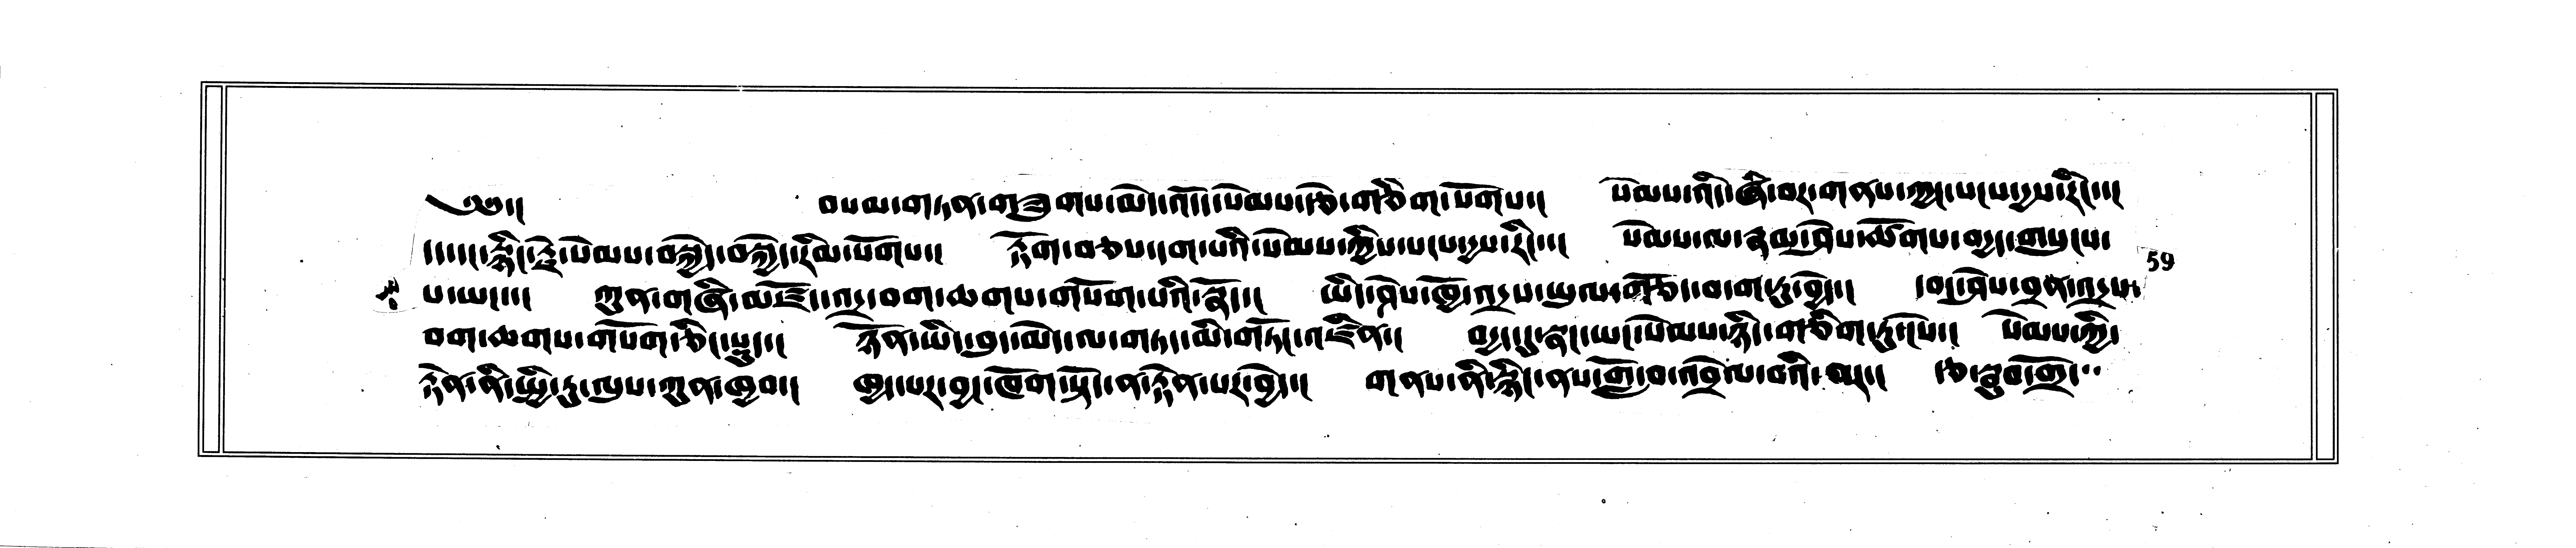བསམ་གཏན་གཟུགས་མེད་འདོད་སེམས་རྩེ་གཅིག་སོགས། །སེམས་འདི་ཞི་བར་གནས་ཀྱང་སངས་རྒྱས་རིང་། །
དད་དང་སྙིང་རྗེ་སེམས་བསྐྱེད་བསྐྱེད་རིམ་སོགས། །རྟོག་བཅས་དག་པའི་སེམས་ཀྱིས་སངས་རྒྱས་རིང་། །སེམས་ལ་རྣམ་ཤེས་ཚོགས་བརྒྱད་གསུངས་
པ་ཡང་། །ཀུན་གཞི་མཛོད་འདྲ་བག་ཆགས་གསོག་པའི་སྣོད། །ཡིད་ཤེས་ཁྱོ་འདྲས་ཡུལ་གཅོད་བདག་ཏུ་བྱེད། །དབང་ཤེས་བྲན་འདྲས་
བག་ཆགས་གསོག་ཅིང་སྡུད། །ཉོན་ཡིད་བུད་མེད་ལ་གཏད་མི་གཏོང་འཛིན། །བརྒྱད་དུ་སྣང་ཡང་སེམས་ཉིད་གཅིག་ཏུ་ངེས། །སེམས་ཀྱི་
རྟེན་ནི་སྤྱི་རུ་ལུས་ཀུན་ཁྱབ། །ཁྱད་པར་བྱང་ཁོག་སྟོང་ན་རྟེན་པ་བྱེད། །གནས་ནི་སྙིང་ནས་གློ་བ་འབྲེལ་བའི་བར། །རྩ་སྦུབ་གྲོ་